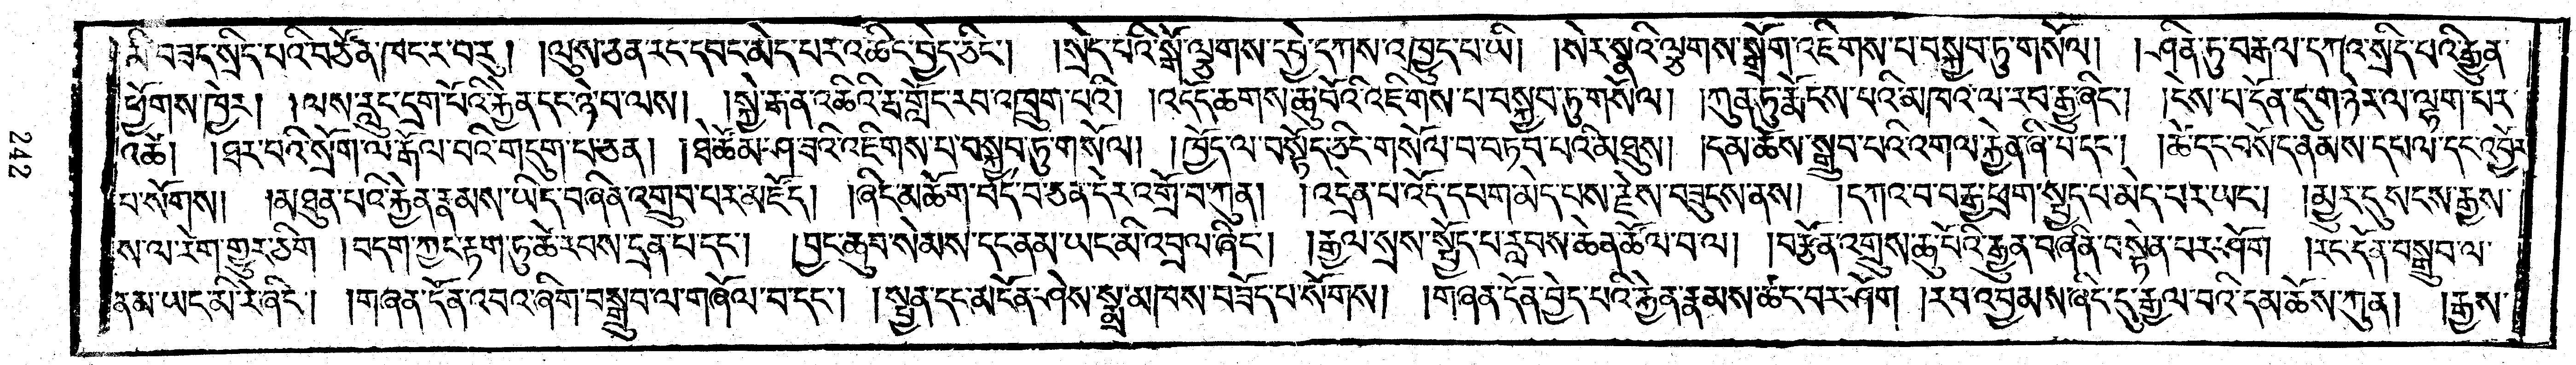མི་བཟད་སྲིད་པའི་བཙོན་ཁང་ར་བ་རུ། །ལུས་ཅན་རང་དབང་མེད་པར་འཆིང་བྱེད་ཅིང་། །སྲེད་པའི་སྒོ་ལྕགས་དབྱེ་དཀས་འཁྱུད་པ་ཡི། །སེར་སྣའི་ལྕགས་སྒྲོག་འཇིགས་པ་བསྐྱབ་ཏུ་གསོལ། །ཤིན་ཏུ་བརྒལ་དཀའ་སྲིད་པའི་རྒྱུན་
ཕྱོགས་ཁྱེར། །ལས་རླུང་དྲག་པོའི་རྐྱེན་དང་ཉེ་བ་ལས། །སྐྱེ་རྒ་ན་འཆིའི་རྦ་གློང་རབ་འཁྲུག་པའི། །འདོད་ཆགས་ཆུ་བོའི་འཇིགས་པ་བསྐྱབ་ཏུ་གསོལ། །ཀུན་ཏུ་རྨོངས་པའི་མཁའ་ལ་རབ་རྒྱུ་ཞིང་། །ངེས་པ་དོན་དུ་གཉེར་ལ་ལྷག་པར་
འཚེ། །ཐར་བའི་སྲོག་ལ་རྒོལ་བའི་གདུག་པ་ཅན། །ཐེ་ཚོམ་ཤ་ཟའི་འཇིགས་པ་བསྐྱབ་ཏུ་གསོལ། །ཁྱོད་ལ་བསྟོད་ཅིང་གསོལ་བ་བཏབ་པའི་མཐུས། །དམ་ཆོས་སྒྲུབ་པའི་འགལ་རྐྱེན་ཞི་བ་དང་། །ཚེ་དང་བསོད་ནམས་དཔལ་དང་འབྱོར་
པ་སོགས། །མཐུན་པའི་རྐྱེན་རྣམས་ཡིད་བཞིན་འགྲུབ་པར་མཛོད། །ཞིང་མཆོག་བདེ་བ་ཅན་དེར་འགྲོ་བ་ཀུན། །འདྲེན་པ་འོད་དཔག་མེད་པས་རྗེས་བཟུངས་ནས། །དཀའ་བ་བརྒྱ་ཕྲག་སྤྱད་པ་མེད་པར་ཡང་། །མྱུར་དུ་སངས་རྒྱས་
ས་ལ་རེག་གྱུར་ཅིག །བདག་ཀྱང་རྟག་ཏུ་ཚེ་རབས་དྲན་པ་དང་། །བྱང་ཆུབ་སེམས་དང་ནམ་ཡང་མི་འབྲལ་ཞིང་། །རྒྱལ་སྲས་སྤྱོད་པ་རླབས་ཆེན་ཚོལ་བ་ལ། །བརྩོན་འགྲུས་ཆུ་པོའི་རྒྱུན་བཞིན་བསྟེན་པར་ཤོག །རང་དོན་བསྒྲུབ་ལ་
ནམ་ཡང་མི་རེ་ཞིང་། །གཞན་དོན་འབའ་ཞིག་བསྒྲུབ་ལ་གཞོལ་བ་དང་། །སྤྱན་དང་མངོན་ཤེས་སྨྲ་མཁས་བཟོད་པ་སོགས། །གཞན་དོན་བྱེད་པའི་རྐྱེན་རྣམས་ཚང་བར་ཤོག །རབ་འབྱམས་ཞིང་དུ་རྒྱལ་བའི་དམ་ཆོས་ཀུན། །རྒྱས་